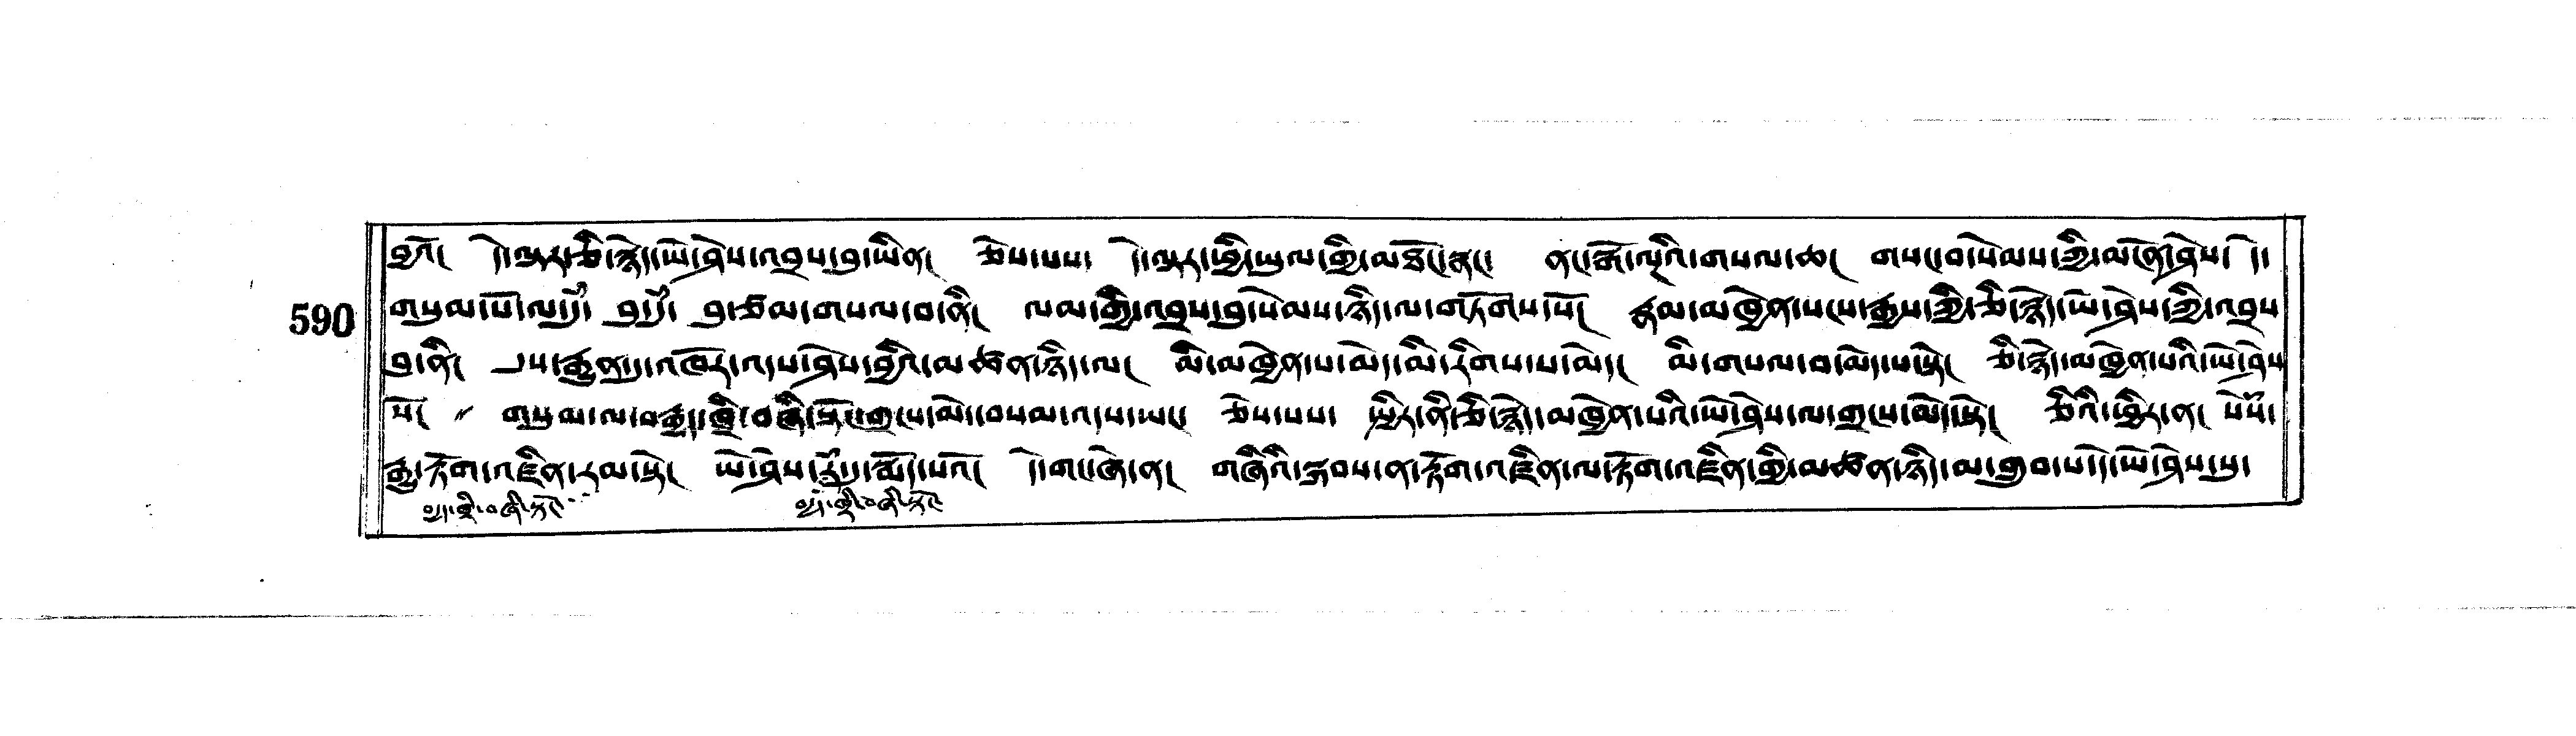བྱའོ། དེ་ལྟར་ཅི་སྙེད་ཡེ་ཤེས་འབྲས་བུ་ཡིན། ཅེས་པས། དེ་ལྟར་ཕྱི་ཡུལ་གྱི་མཐོང་སྣང་། ནང་སྒོ་ལྔའི་གསལ་ཆ། གསང་བ་སེམས་ཀྱི་མངོན་ཤེས། དེ་
གསུམ་པོ་ལ་དུམ། བུ་ཙམ་གསལ་བ་ནི། ལམ་གྱི་འབྲས་བུ་སེམས་ཉིད་ལ་གཏོགས་སོ། རྣམ་མཁྱེན་སངས་རྒྱས་ཀྱི་ཅི་སྙེད་ཡེ་ཤེས་ཀྱི་འབྲས་
བུ་ནི། དུས་རྒྱུན་དུ་འཁོར་འདས་ཤེས་བྱའི་མཚན་ཉིད་ལ། མི་མཁྱེན་པ་མེད་མི་རིག་པ་མེད། མི་གསལ་བ་མེད་པ་སྟེ། ཅི་སྙེད་མཁྱེན་པའི་ཡེ་ཤེས་
སོ། ༧ གསུམ་པ་བརྒྱད་ཁྲི་བཞི་སྟོང་གྲངས་མེད་བསམ་འདས་ཀྱང་། ཅེས་པས། སྤྱིར་ནི་མཁྱེན་པའི་ཡེ་ཤེས་ལ་གྲངས་མེད་དེ། ཅིའི་ཕྱིར་ན། སེམས་
རྒྱུ་རྟོག་འཛིན་༼བརྒྱད་ཁྲི་བཞི་སྟོང་༽རམ་སྟེ། ཡེ་ཤེས་༼བརྒྱད་ཁྲི་བཞི་སྟོང་༽སྨོས་པའོ། དེ་གང་ཞེ་ན། གཞི་ཡི་སྐབས་ན་རྟོག་འཛིན་ལ་རྟོག་འཛིན་གྱི་མཚན་ཉིད་མ་གྲུབ་དེ་ཡེ་ཤེས་